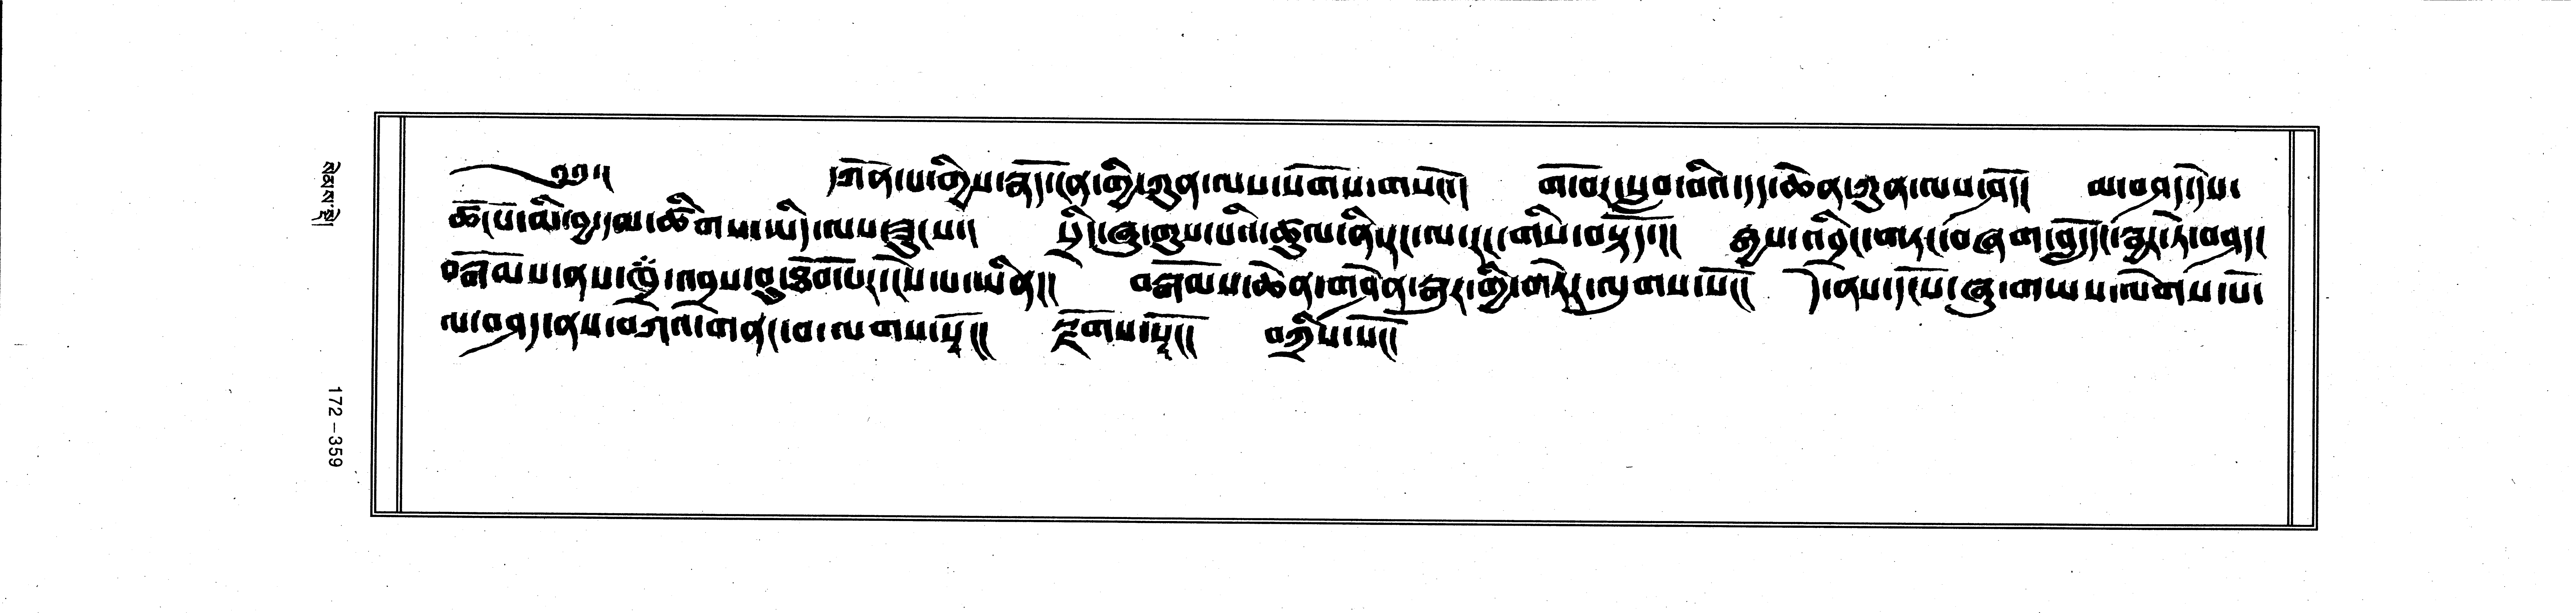དཀོན་པ་གྱིས་སྣོད་ངན་གྱི་ཀུན་ལས་སོགས་གསོང་། གོ་བར་སླབ་བའི་དད་ཆེན་ཀུན་ལས་ཤོད། མ་བཤད་དཔེ་
ཚོངས་མི་བྱ་དམ་ཚིགས་ཡིད་ལས་ཟུངས། སྲིད་ཞུ་གུས་པའི་ཚུལ་ནི་རང་ལ་རང་གིས་བསྟོད། རྒྱས་འབྲིང་གཏང་བཞག་བློ་དང་སྦྱར་ཏེ་བཤད། 
བསྒོམས་ནས་འབྲས་བུ་ཐོབ་པར་ངེས་པ་ཡིན། བསྒོམས་ཆེན་གཤེན་རྒུར་གྱི་གཏེར་ལུགས་སོ། དེ་ནས་དངོས་ཞུ་གཡས་ལེགས་པོ་
ལ་བཤད་ནས་བཀའ་གནང་བ་ལགས་སྭོ། རྫོགས་སྭོ། བཀྲ་ཤིས་སོ།